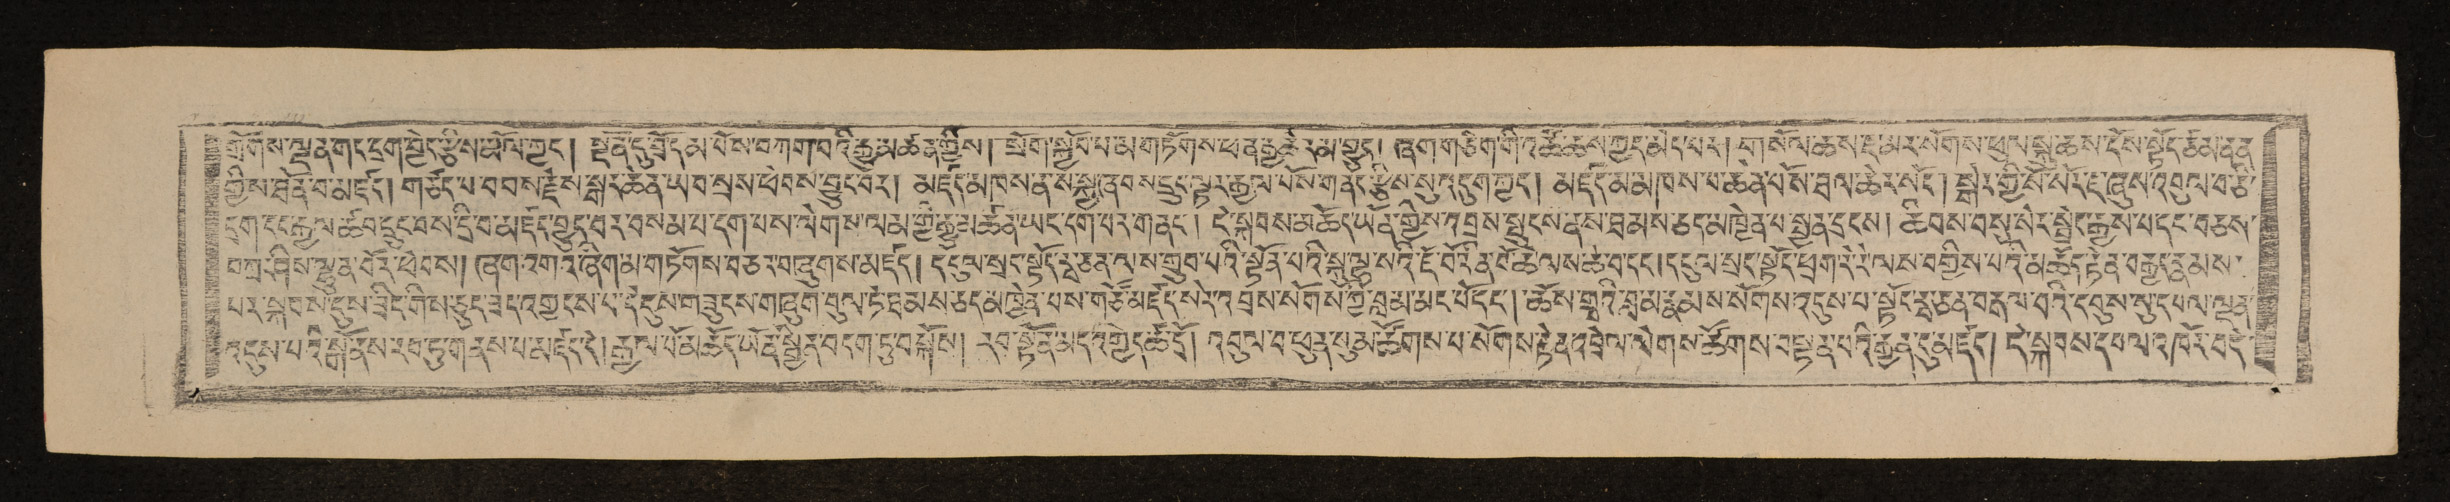གྲོགས་ལྡན་གང་དྲག་བྱེད་རྩིས་མོལ་ཀྱང་། སྔོན་དུ་བྲོ་དམ་པོས་བཀག་པའི་རྒྱུ་མཚན་གྱིས། སྲོག་སྐྱོབ་པ་མ་གཏོགས་ཕན་རྒྱ་ཆེར་མ་བྱུང་། ཞག་གཅིག་གི་འཚོ་ཆས་ཀྱང་མེད་བར། གསོལ་ཆས་ཇ་མར་སོགས་ཕུལ་སྐུ་ཆས་ངོས་སྟོང་ཙམ་ནན་
གྱིས་ཐོན་པ་མཛད། གཙང་པ་བབས་རྗེས་སྒར་ཆེན་ཡབ་སྲས་ཕེབས་བྱུང་བར། མཛད་མཁས་ན་ས་སྐྱ་ཞབས་དྲུང་ལྟར་རྒྱལ་པོས་གནང་རྩིས་སུ་འདུག་ཀྱང་། མཛད་མ་མཁས་པ་ཆེན་པོས་ཐལ་ཆེར་སོང་། སྒེར་གྱི་སོ་སོར་ཇ་ཞུས་འབུལ་བ་ཅི་
དྲག་དང་རྒྱལ་ཚབ་དྲུང་བས་དྲི་བ་མཛད་བྱུང་བར་བསམ་པ་དག་པས་ལེགས་ལམ་གྱི་རྒྱུ་མཚན་ཡང་དག་པར་གནང་། དེ་སྐབས་མཆོད་ཡོན་གྱིས་འབྲས་སྤུངས་ནས་ཐམས་ཅད་མཁྱེན་པ་སྤྱན་དྲངས། ཆིབས་བསུ་སེར་སྦྲེང་རྒྱས་པ་དང་བཅས་
བཀྲ་ཤིས་ལྷུན་པོར་ཕེབས། ཞག་འགའ་ཞིག་མ་གཏོགས་བཅར་བཞུགས་མཛད། དངུལ་སྲང་སྟོང་རྭ་ཅན་ལས་གྲུབ་པའི་སྟོན་པའི་སྐུ་ལྷ་སའི་ཇོ་བོ་རིན་པོ་ཆ་ལས་ཆེ་བ་དང་། དངུལ་སྲང་སྟོང་ཕྲག་རེ་རེ་ལས་བགྱིས་པའི་མཆོད་རྟེན་བརྒྱད་རྣམས་
པར་སྐབས་དུས་ཟིང་གིས་ཅུང་ཟད་འགྱངས་པ་དེ་དུས་གཟུངས་གཞུག་ཕུལ་ཏེ་ཐམས་ཅད་མཁྱེན་པས་གཙོ་མཛད་སེར་འབྲས་སོགས་ཀྱི་བླ་མ་མང་པོ་དང་། ཆོས་གྲྭའི་བླ་མ་རྣམས་སོགས་འདུས་པ་སྟོད་རྭ་ཅན་བརྒལ་བའི་དབུས་སུ་དཔལ་ལྡན་
འདུས་པའི་སྒོ་ནས་རབ་ཏུ་གནས་པ་མཛད་དེ། རྒྱལ་པོ་མཆོད་ཡོན་སྦྱིན་བདག་ཏུ་བསྒོས། རབ་སྟོན་མང་འགྱེད་ཚ་དྲོ། འབུལ་བ་ཕུན་སུམ་ཚོགས་པ་སོགས་རྟེན་འབྲེལ་ལེགས་ཚོགས་བསྟན་པའི་རྒྱན་དུ་མཛད། དེ་སྐབས་དཔལ་འཁོར་བདེ་